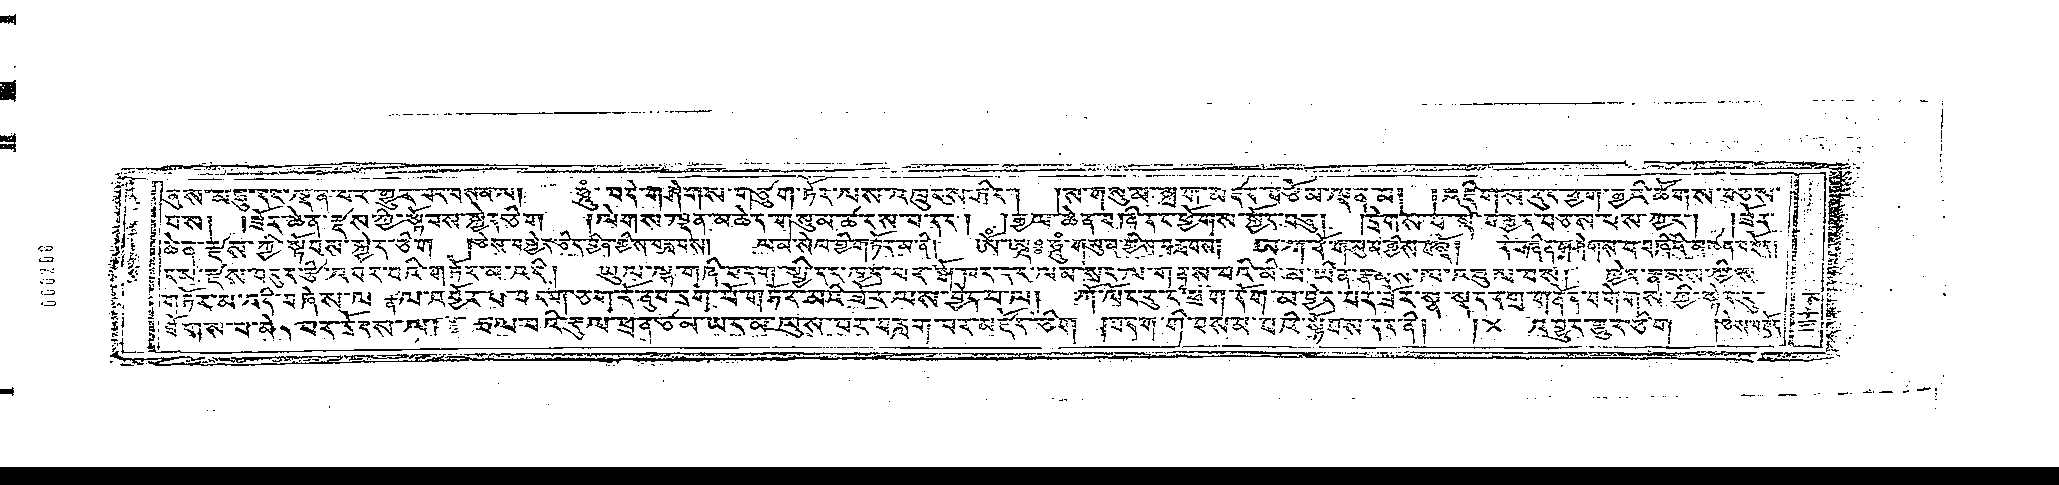ནུས་མཐུ་དང་ལྡན་པར་གྱུར་བར་བསམ་ལ། ཧཱུཾ་བདེ་གཤེགས་གཙུག་ཏོར་ལས་འཁྲུངས་ཤིང་། །ས་གསུམ་སྐྲག་མཛད་བཅོམ་ལྡན་མ། །འཇིགས་རུང་ཕྱག་རྒྱའི་ཚོགས་བཅས་
པས། །ཟོར་ཆེན་རྫས་ཀྱི་སྟོབས་སྐྱེད་ཅིག །ལེགས་ལྡན་མཆེད་གསུམ་ཚངས་པ་དང་། །རྒྱལ་ཆེན་བཞི་དང་ཕྱོགས་སྐྱོང་བཅུ། །དྲེགས་པ་སྡེ་བརྒྱད་བཅས་པས་ཀྱང་། །ཟོར་
ཆེན་རྫས་ཀྱི་སྟོབས་སྐྱེད་ཅིག །ཅེས་བསྐྱེད་ཅིང་བྱིན་གྱིས་བརླབས། ལམ་སེལ་གྱི་གཏོར་མ་ནི། ཨོཾ་ཨཱཿ་ཧཱུཾ་གསུམ་གྱིས་བརླབས། ཨ་ཀ་རོ་གསུམ་གྱིས་བསྔོ། དེ་བཞིན་གཤེགས་པ་བཞིའི་མཚན་བརྗོད།
དམ་རྫས་བདུད་རྩི་འབར་བའི་གཏོར་མ་འདི། ཡུལ་ལྷ་གཞི་བདག་སྤྱི་དང་ཁྱད་པར་སྒོ་ཁང་དང་ལམ་སྲང་ལ་གནས་པའི་མི་མ་ཡིན་རྣམས་ལ་འབུལ་བས། ཁྱེད་རྣམས་ཀྱིས་
གཏོར་མ་འདི་བཞེས་ལ་རྣལ་འབྱོར་པ་བདག་ཅག་དོ་ནུབ་དྲག་པོ་གཏོར་མའི་ཟོར་ལས་བྱེད་པ་ལ། ཀོ་ལོང་རུང་ཕྲག་དོག་མ་བྱེད་པར་ཟོར་སྣ་སྡང་དགྲ་གནོད་བགེགས་ཀྱི་སྟེང་དུ་
ཐོགས་པ་མེད་པར་དྲོངས་ལ། ཐལ་བའི་རྡུལ་ཕྲན་ཙམ་ཡང་མ་ལུས་པར་བརླག་པར་མཛོད་ཅིག །བདག་གི་བསམ་པའི་སྟོབས་དང་ནི། ། ྾་འབྱུང་གྱུར་ཅིག །ཅེས་བརྗོད་